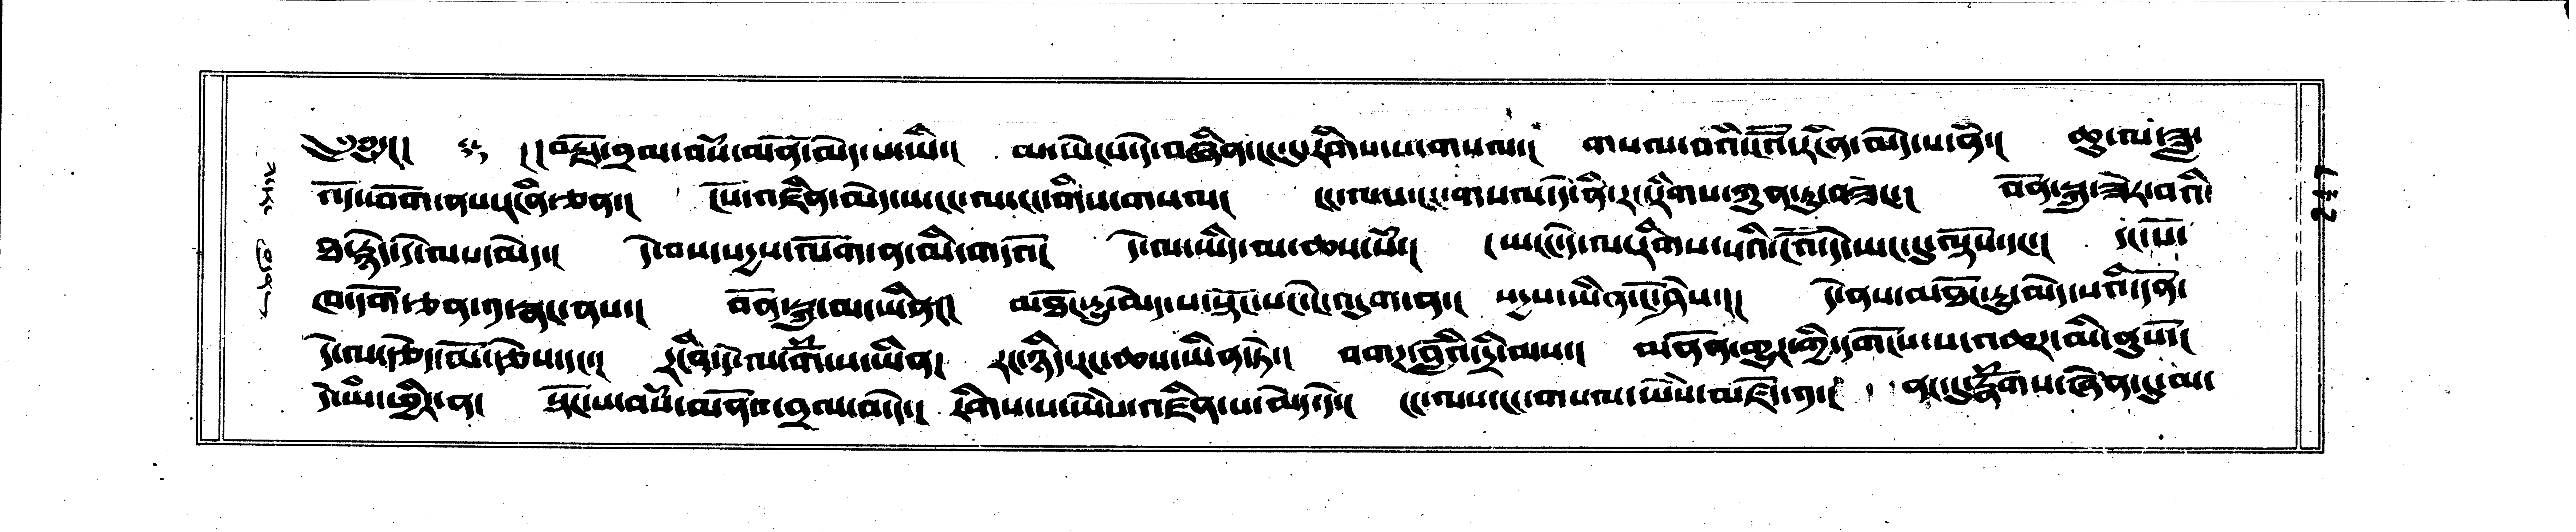བརྗོད་བྲལ་བསམ་མནོའ་མེད་པའི། མ་ཡིན་དེ་བཞིན་ངང་དུ་རང་རིགས་གསལ། གསལ་བའི་ངོའོ་རང་བཞིན་མེད་པ་ནི། ཆུ་ལ་ཟླ་
འོད་ཕོག་པའི་རང་བཞིན་ཅན། ངོས་འཛིན་མེད་པར་ངང་ལ་ངང་གིས་གསལ། ངང་ལས་ངང་གསལ་དེ་ནི་རང་རིག་ཀུན་ཏུ་བཟང་། བོན་སྐུ་བྱ་བའི་
ཐ་སྙད་དེ་ལ་ཟེར། དེ་བས་སངས་རྒྱས་ལོག་ན་མི་གདའོ། དེ་ལ་ཡིད་མི་ཆེས་སམ། རིག་པའི་ངོའོ་དེ་ལ་ཡང་དང་ཡང་དུ་ལྟོས་དང་། དངོས་པོ་
ཁ་དོག་ཅན་གཅིག་སྣང་ན་བོན་སྐུ་མ་ཡིན། མཐོང་རྒྱུ་མེད་པར་སྟོང་སང་ངེ་འདུག་ན་སངས་རྒྱས་ཡིན་ནོ་ངོ་ཤེས། དེ་ལ་མཐོང་རྒྱུ་མེད་པའི་དོན་
དེ་ལ་ཡང་རྩེད་མོ་རྩེས་དང་། རང་བཞིན་དེ་ལ་གོམ་པ་ཡིན། རང་ཉིད་རང་ཆས་ཡིན་ཏེ། བག་ཆགས་བློའི་དྲི་མས་མངོན་འགྱུར་གྱིས་དགོངས་པ་འཆར་མི་ནུས་སོ། 
དེའི་ཕྱིར་ན་སྟོང་པ་བསམ་མནོའ་བྲལ་བ་དེ་ལ་རིག་པའི་ཡེ་ཤེས་འཛིན་པ་མེད་དེ། ངང་ལ་ངང་གསལ་དོན་མ་ཡེངས་པར་མཛོད་ཅིག ནང་དུ་རྣམ་རྟོག་ཞེན་དུ་མ་